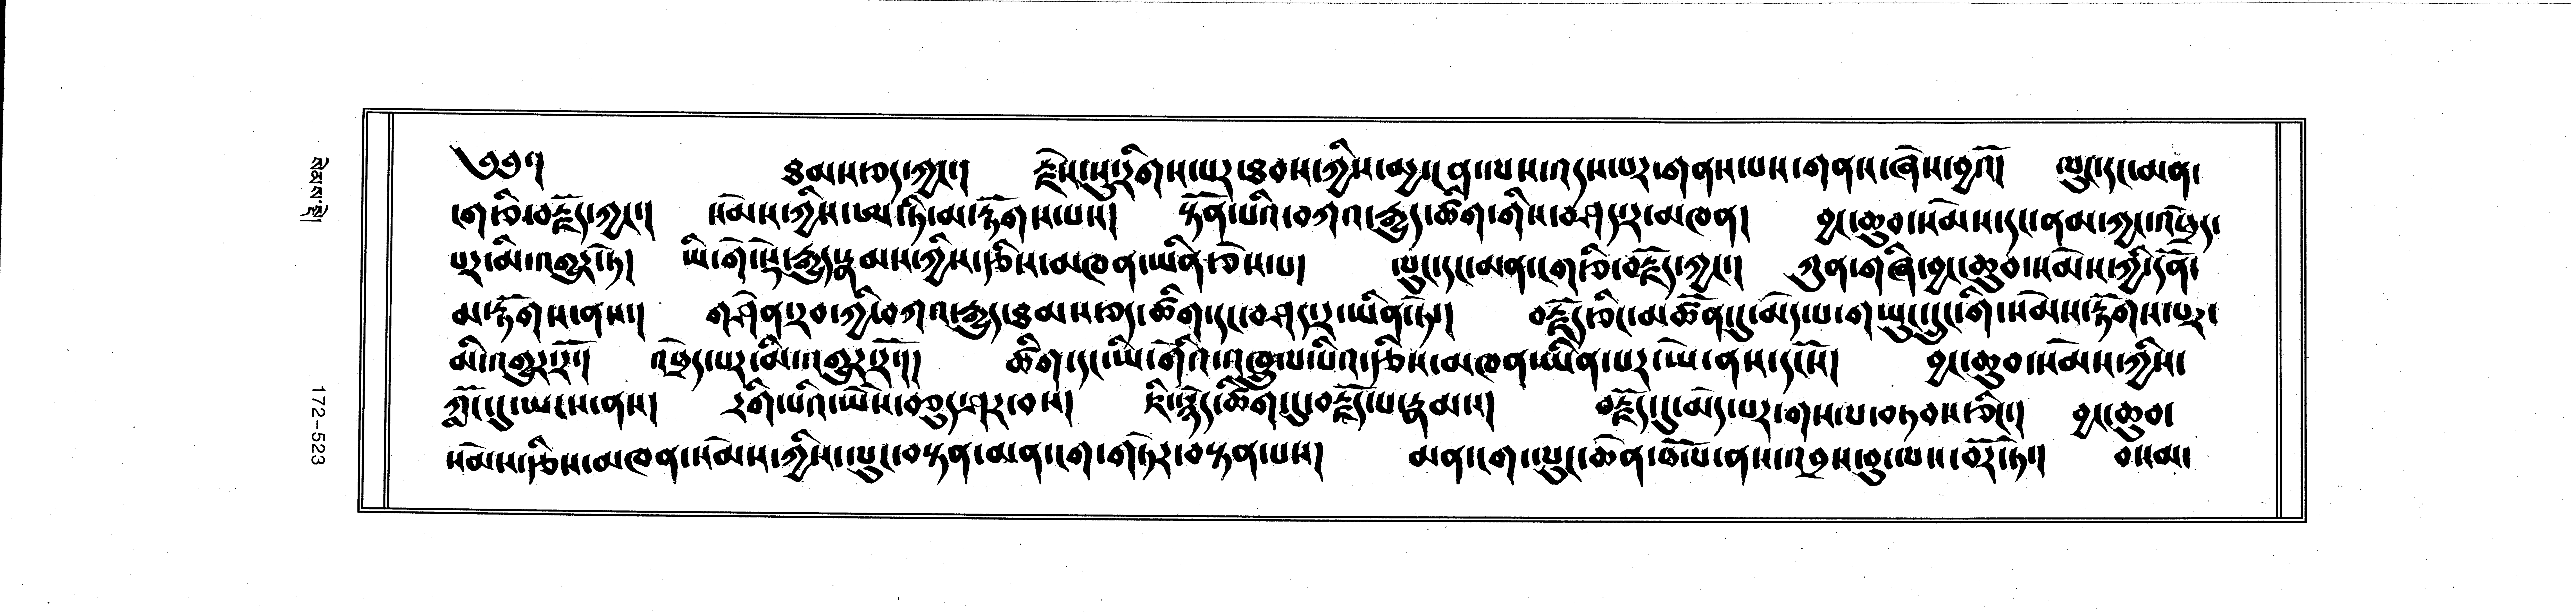ཐམས་ཅད་ཀྱང་རྗེས་སུ་རིག་པར་ཐབས་ཀྱིས་མྱ་ངན་ལས་འདས་པར་གནས་པས་གནས་ཞེས་བྱའོ། ལུང་དང་མན་
ངག་ཅི་བརྗོད་ཀྱང་། སེམས་ཀྱིས་ཨ་ཏི་མ་རྟོགས་པས། སྟོན་པའི་བཀའ་རྒྱུད་ཚིག་གིས་བཤད་ར་མཁན། བྱང་ཆུབ་སེམས་དང་ནམ་ཀྱང་འཕྲེད་
པར་མི་འགྱུར་ཏེ། ཡི་གེ་སྡེ་རྒྱུད་རྣམས་ཀྱིས་རྩིས་མཁན་ཡིན་ཅེས་པ། ལུང་དང་མན་ངག་ཅི་བརྗོད་ཀྱང་། ཀུན་གཞི་བྱང་ཆུབ་སེམས་ཀྱི་དོན་
མ་རྟོགས་ནས། གཤེན་རབ་ཀྱི་བཀའ་རྒྱུད་ཐམས་ཅད་ཚིག་དང་བཤད་ར་ཡིན་ཏེ། བརྗོད་ཅིང་མཚོན་དུ་མེད་པ་གཡུང་དྲུང་གི་སེམས་རྟོགས་པར་
མི་འགྱུར་རོ། འཕྲད་པར་མི་འགྱུར་རོ། ཚིག་དང་ཡིག་གེའི་འཁྲུལ་པའི་རྩིས་མཁན་ཡིན་པར་ཡེ་ནས་དངོས། བྱང་ཆུབ་སེམས་ཀྱི་
ཀློང་དུ་ཡོངས་ནས། རིག་པའི་ཡེ་ཤེས་བཅུད་ཤར་བས། ཇི་སྙེད་ཚིག་དུ་བརྗོད་པ་རྣམས། བརྗོད་དུ་མེད་པར་གསལ་བཏབས་ཅིང་། བྱང་ཆུབ་
སེམས་རྩིས་མཁན་སེམས་ཀྱིས་ལུང་བསྟན་མན་ངག་གཏེར་བསྟན་པས། མན་ངག་ལུང་ཆེན་ཕོལ་ནས་འབྲས་བུ་ལས་བོར་ཏེ། བསམ་